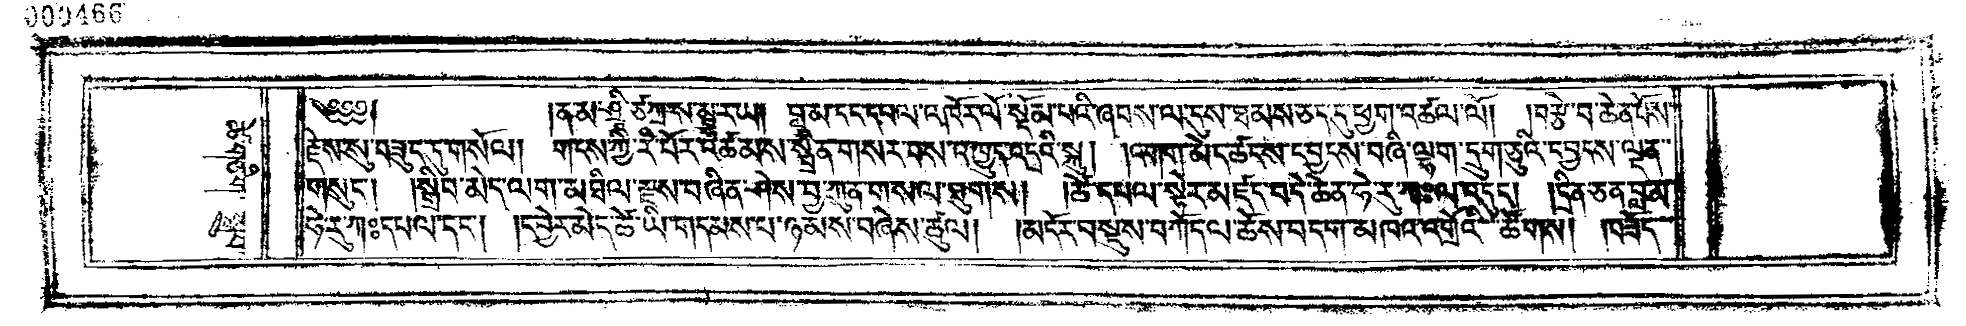༄༅༅། །ན་མ་ཤྲཱི་ཙཀྲ་ས་མྦྷ་ར་ཡ། བླ་མ་དང་དཔལ་འཁོར་ལོ་སྡོམ་པའི་ཞབས་ལ་དུས་ཐམས་ཅད་དུ་ཕྱག་འཚལ་ལོ། །བརྩེ་བ་ཆེན་པོས་
རྗེས་སུ་བཟུང་དུ་གསོལ། གངས་ཀྱི་རི་བོར་འཚམས་སྤྲིན་གསར་བས་འཁྱུད་འདྲའི་སྐུ། །འགག་མེད་ཚངས་དབྱངས་བཞི་ལྷག་དྲུག་ཅུའི་དབྱངས་ལྡན་
གསུང་། །སྒྲིབ་མེད་ལག་མཐིལ་རྫས་བཞིན་ཤེས་བྱ་ཀུན་གསལ་ཐུགས། །ཚེ་དཔལ་སྟེར་མཛད་བདེ་ཆེན་ཧེ་རུ་ཀཿ ལ་འདུད། ?་།དྲིན་ཅན་བླ་མ་
ཧེ་རུ་ཀཿ དཔལ་དང་། །དབྱེར་མེད་ཚེ་ཡི་གདམས་པ་ཉམས་བཞེས་ཚུལ། །མདོར་བསྡུས་བཀོད་ལ་ཆོས་བདག་མཁའ་འགྲོའི་ཚོགས། །བཟོད་